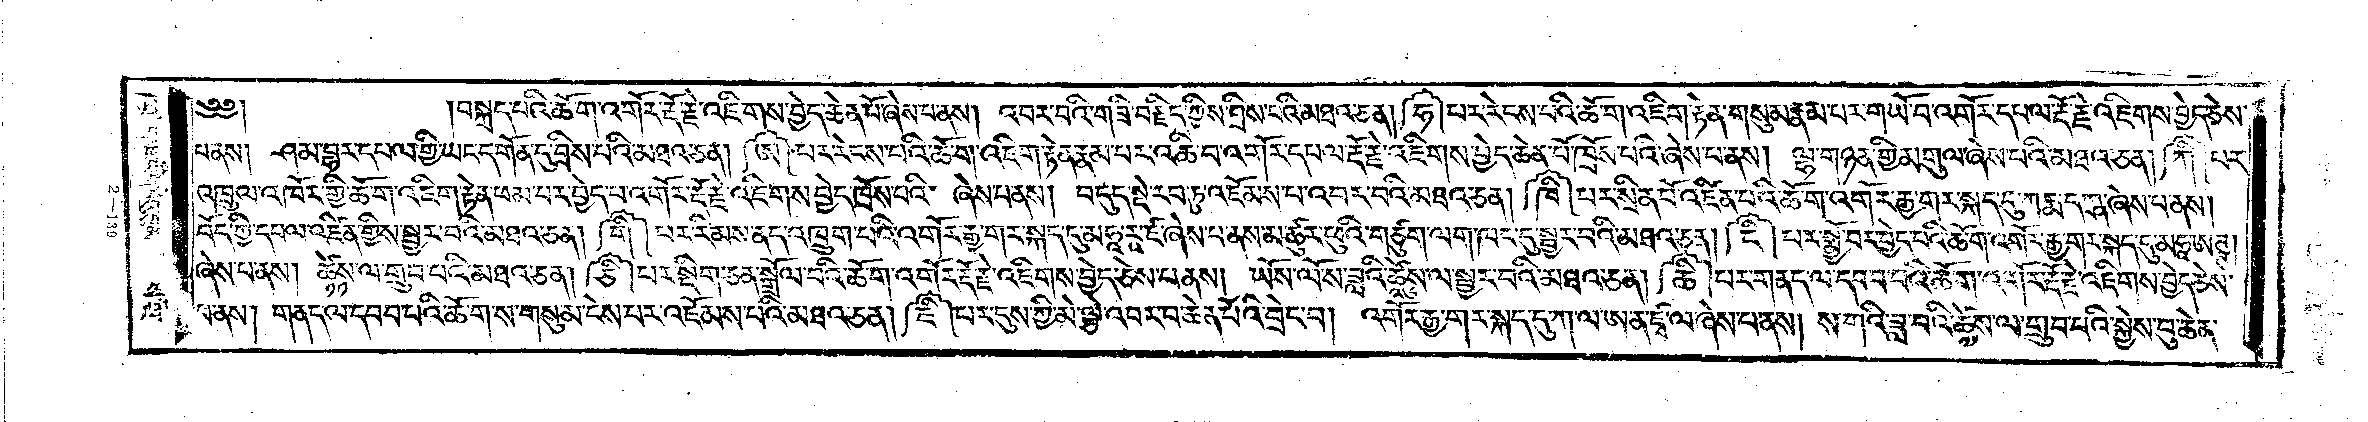༄༅། །བསྐྲད་པའི་ཆོ་ག་འགོར་རྡོ་རྗེ་འཇིགས་བྱེད་ཆེན་པོ་ཞེས་པ་ནས། འབར་བའི་གཟི་བརྗིད་ཀྱིས་བྲིས་པའི་མཐའ་ཅན། ༼ཧ༽ པར་རེངས་པའི་ཆོ་ག་འཇིག་རྟེན་གསུམ་རྣམ་པར་གཡོ་བ་འགོར་དཔལ་རྡོ་རྗེ་འཇིགས་བྱེད་ཅེས་
པ་ནས། ཤམ་བྷར་དཔལ་གྱི་ཡང་དགོན་དུ་བྲིས་པའི་མཐའ་ཅན། ༼ཨ༽ པར་རེངས་པའི་ཆོ་ག་འཇིག་རྟེན་རྣམ་པར་འཆི་བ་འགོར་དཔལ་རྡོ་རྗེ་འཇིགས་བྱེད་ཆེན་པོ་ཁྲོས་པའི་ཞེས་པ་ནས། ལྷ་གཉན་གྱི་མགུལ་ཞེས་པའི་མཐའ་ཅན། ༼ཀི༽ པར་
འཁྲུལ་འཁོར་གྱི་ཆོ་ག་འཇིག་རྟེན་ཕམ་པར་བྱེད་པ་འགོར་རྡོ་རྗེ་འཇིགས་བྱེད་ཁྲོས་པའི་ཞེས་པ་ནས། བདུད་སྡེ་རབ་ཏུ་འཇོམས་པ་འབར་བའི་མཐའ་ཅན། ༼ཁི༽ པར་སྲིན་པོ་འཛིན་པའི་ཆོ་ག་འགོར་རྒྱ་གར་སྐད་དུ་ཀརྨ་དཀྴ་ཞེས་པ་ནས།
བོད་ཀྱི་དཔལ་འཛིན་གྱིས་སྦྱར་བའི་མཐའ་ཅན། ༼གི༽ པར་རིམས་ནད་འཁྲུག་པའི་འགོར་རྒྱ་གར་སྐད་དུ་མཧཱ་རཱ་ཛ་ཞེས་པ་ནས་མཚུར་ཕུའི་གཙུག་ལག་ཁང་དུ་སྦྱར་བའི་མཐའ་ཅན། ༼ངི༽ པར་སྨྱོ་བར་བྱེད་པའི་ཆོ་ག་འགོར་རྒྱ་གར་སྐད་དུ་མཧཱ་ཨཊྚ།
ཞེས་པ་ནས། ཚེས༡༡་ལ་གྲུབ་པའི་མཐའ་ཅན། ༼ཅི༽ པར་སྡིག་ཅན་སྒྲོལ་བའི་ཆོ་ག་འགོར་རྡོ་རྗེ་འཇིགས་བྱེད་ཅེས་པ་ནས། ཡོས་ལོ་ས་ཟླའི་ཚེས༢༦་ལ་སྦྱར་བའི་མཐའ་ཅན། ༼ཆི༽ པར་གནད་ལ་དབབ་པའི་ཆོ་ག་འགོར་རྡོ་རྗེ་འཇིགས་བྱེད་ཅེས་
པ་ནས། གནད་ལ་དབབ་པའི་ཆོ་ག་ས་གསུམ་ངེས་པར་འཇོམས་པའི་མཐའ་ཅན། ༼ཇི༽ པར་དུས་ཀྱི་མེ་ལྕེ་འབར་བ་ཆེན་པོའི་འབྲེང་བ། འགོར་རྒྱ་གར་སྐད་དུ་ཀ་ལ་ཨ་ན་ཛྭ་ལ་ཞེས་པ་ནས། ས་གའི་ཟླ་བའི་ཚེས༧་ལ་གྲུབ་པའི་སྐྱེས་བུ་ཆེན་